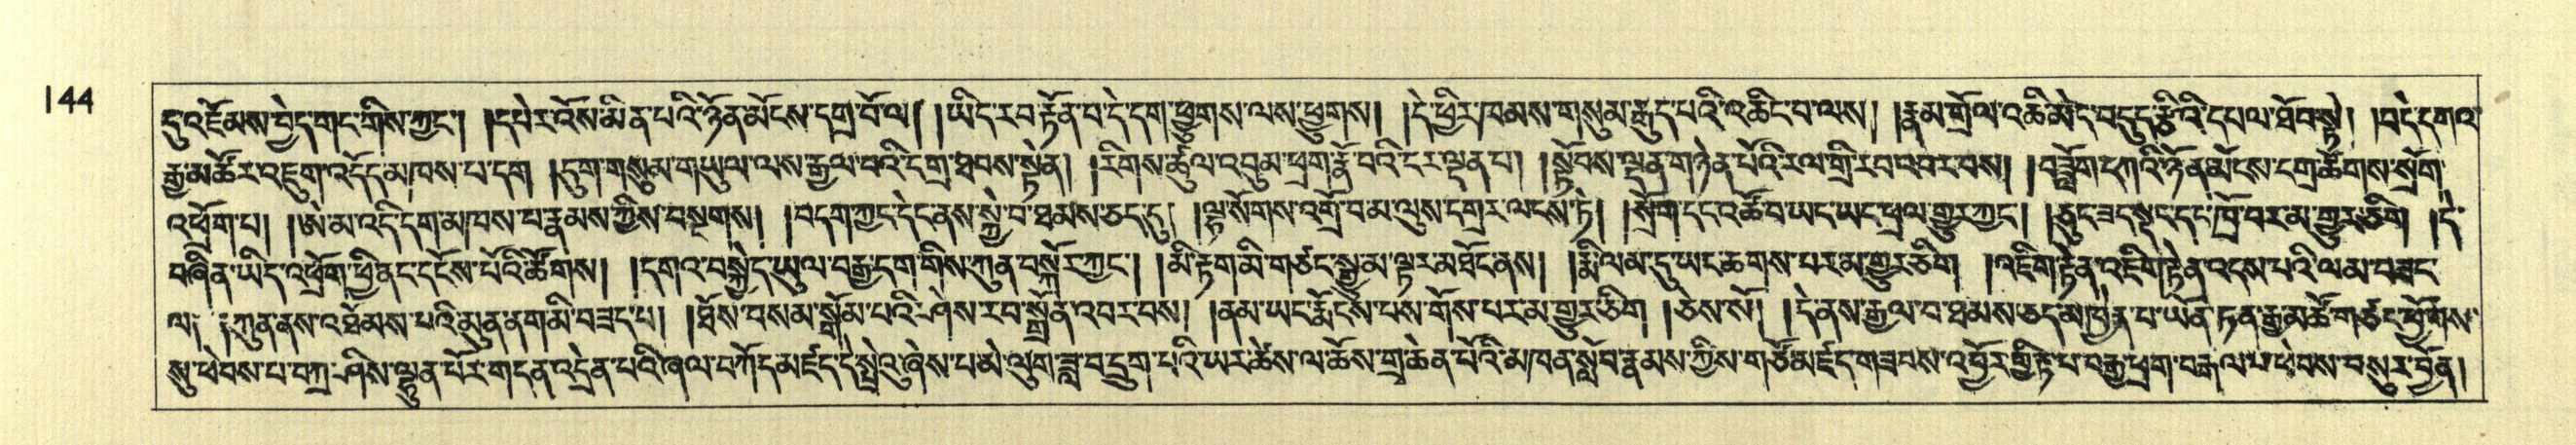དུ་འཇོམས་བྱེད་གང་གིས་ཀྱང་། །དཔེར་འོས་མིན་པའི་ཉོན་མོངས་དགྲ་བོ་ལ། །ཡིད་རབ་རྟོན་པ་དེ་དག་ཕྱུགས་ལས་ཕྱུགས། །དེ་ཕྱིར་ཁམས་གསུམ་རྒུད་པའི་འཆིང་བ་ལས། །རྣམ་གྲོལ་འཆི་མེད་བདུད་རྩིའི་དཔལ་ཐོབ་སྟེ། །བདེ་དགའ་
རྒྱ་མཚོར་འཇུག་འདོད་མཁས་པ་དང་། །དུག་གསུམ་གཡུལ་ལས་རྒྱལ་བའི་དགྲ་ཐབས་སྟེན། །རིགས་ཚུལ་འབུམ་ཕྲག་རྣོ་བའི་ངར་ལྡན་པ། །སྟོབས་ལྡན་གཉེན་པོའི་རལ་གྲི་རབ་འབར་བས། །བཟློག་དཀའི་ཉོན་མོངས་དགྲ་ཚོགས་སྲོག་
འཕྲོག་པ། །ཨེ་མ་འདི་དག་མཁས་པ་རྣམས་ཀྱིས་བསྔགས། །བདག་ཀྱང་དེ་ངན་ནས་སྐྱེ་བ་ཐམས་ཅད་དུ། །ལྷ་སོགས་འགྲོ་བ་མ་ལུས་དགྲར་ལངས་ཏེ། །སྲོག་དང་འཚོ་བ་ཡང་ཡང་ཕྲལ་གྱུར་ཀྱང་། །ཅུང་ཟད་སྡང་དང་ཁྲོ་བར་མ་གྱུར་ཅིག །དེ་
བཞིན་ཡིད་འཕྲོག་ཕྱི་ནང་དངོས་པོའི་ཚོགས། །དགའ་བསྐྱེད་ཡུལ་བརྒྱ་དག་གིས་ཀུན་བསྐོར་ཀྱང་། །མི་རྟག་མི་གཙང་སྒྱུ་མ་ལྟར་མཐོང་ནས། །རྨི་ལམ་དུ་ཡང་ཆགས་པར་མ་གྱུར་ཅིག །འཇིགས་རྟེན་འཇིག་རྟེན་འདས་པའི་ལམ་བཟང་
ལ༑ ༑ཀུན་ནས་འཐོམས་པའི་མུན་ནག་མི་བཟད་པ། །ཐོས་བསམ་སྒོམ་པའི་ཤེས་རབ་སྒྲོན་འབར་བས། །ནམ་ཡང་རྨོངས་པས་གོས་པར་མ་རབ་སྒྲོན་འབར་བས། །ནམ་ཡང་རྨོངས་པས་གོས་པར་མ་ཡོན་ཏན་རྒྱ་མཚོ་གཙང་ཕྱོགས་
སུ་ཕེབས་པ་བཀྲ་ཤིས་ལྷུན་པོར་གདན་འདྲེན་པའི་ཞལ་བཀོད་མཛད་དེ་སྤྲེའུ་ཞེས་པ་མེ་ལུག་ཟླ་བ་དྲུག་པའི་ཡར་ཚེས་ལ་ཆོས་གྲྭ་།ཆེན་པོའི་མཁན་སློབ་རྣམས་ཀྱིས་གཙོ་མཛད་གཟབས་འབྱོར་གྱི་རྟ་པ་བརྒྱ་ཕྲག་བརྒལ་པ་ཕེབས་བསུར་བྱོན།